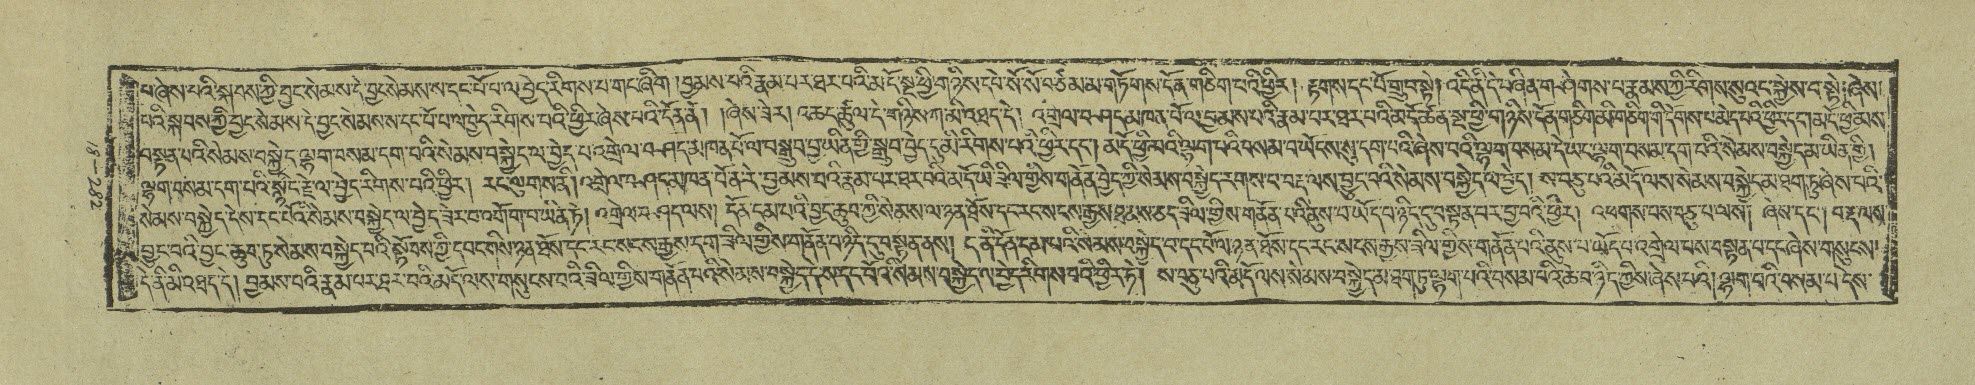བ་ཞེས་པའི་སྐབས་ཀྱི་བྱང་སེམས་དེ་བྱང་སེམས་དང་པོ་བ་ལ་བྱེད་རིགས་པ་གང་ཞིག །བྱམས་པའི་རྣམ་པར་ཐར་བའི་མདོ་སྔ་ཕྱི་གཉིས་དཔེ་སོ་སོ་བ་ཙམ་མ་གཏོགས་དོན་གཅིག་པའི་ཕྱིར། རྟགས་དང་པོ་གྲུབ་སྟེ། འདི་ནི་དེ་བཞིན་གཤེགས་པ་རྣམས་ཀྱི་རིགས་སུའང་སྐྱེས་པ་སྟེ། ཞེས་
པའི་སྐབས་ཀྱི་བྱང་སེམས་དེ་བྱང་སེམས་དང་པོ་བ་ལ་བྱེད་རིགས་པའི་ཕྱིར་ཞེས་པའི་དོན་ནོ། །ཞེས་ཟེར། འཆད་ཚུལ་དེ་གཉིས་ཀ་མི་འཐད་དེ། འགྲལ་བཤད་མཁན་པོ་ལ་བྱམས་པའི་རྣམ་པར་ཐར་བའི་མདོ་ཚན་སྔ་ཕྱི་གཉིས་དོན་གཅིག་མི་གཅིག་གི་དོགས་པ་མེད་པའི་ཕྱིར་དང་། མདོ་ཕྱི་མས་
བསྟན་པའི་སེམས་བསྐྱེད་ལྷག་བསམ་དག་པའི་སེམས་བསྐྱེད་ལ་བྱེད་པ་འགྲེལ་བཤད་མཁན་པོ་ལ་བསྒྲུབ་བྱ་ཡིན་གྱི་སྒྲུབ་བྱེད་དུ་མི་རིགས་པའི་ཕྱིར་དང་། མདོ་ཕྱི་མའི་ལྷག་པའི་བསམ་པ་ཡོངས་སུ་དག་པའི་ཞེས་པའི་ལྷག་བསམ་དེ་ཡང་ལྷག་བསམ་དག་པའི་སེམས་བསྐྱེད་མ་ཡིན་གྱི།
ལྷག་བསམ་དག་པའི་སྙིང་རྗེ་ལ་བྱེད་རིགས་པའི་ཕྱིར། རང་ལུགས་ནི། འགྲེལ་བཤད་མཁན་པོ་ན་རེ་བྱམས་པའི་རྣམ་པར་ཐར་བའི་མདོ་ཡི་ཟིལ་གྱིས་གནོན་བྱེད་ཀྱི་སེམས་བསྐྱེད་རགས་པ་བརྡ་ལས་བྱུང་བའི་སེམས་བསྐྱེད་ལ་བྱེད། ས་བཅུ་པའི་མདོ་ལས་སེམས་བསྐྱེད་མ་ཐག་ཏུ་ཞེས་པའི་
སེམས་བསྐྱེད་དེས་དང་པོའི་སེམས་བསྐྱེད་ལ་བྱེད་ཟེར་བ་འགོག་པ་ཡིན་ཏེ། འགྲེལ་བཤད་ལས། དོན་དམ་པའི་བྱང་ཆུབ་ཀྱི་སེམས་ལ་ཉན་ཐོས་དང་རང་སངས་རྒྱས་ཐམས་ཅད་ཟིལ་གྱིས་གནོན་པའི་ནུས་པ་ཡོད་པ་ཉིད་དུ་བསྟན་པར་བྱ་བའི་ཕྱིར། འཕགས་པས་བཅུ་པ་ལས། ཞེས་དང་། བརྡ་ལས་
བྱུང་བའི་བྱང་ཆུབ་ཏུ་སེམས་སྐྱེད་པའི་སྟོབས་ཀྱི་དབང་གིས་ཉན་ཐོས་དང་རང་སངས་རྒྱས་དག་ཟིལ་གྱིས་གནོན་པ་ཉིད་དུ་བསྟན་ནས། ད་ནི་དོན་དམ་པའི་སེམས་བསྐྱེད་པ་དང་པོ་ལ་ཉན་ཐོས་དང་རང་སངས་རྒྱས་ཟིལ་གྱིས་གནོན་པའི་ནུས་པ་ཡོད་པ་འགྲེལ་པས་བསྟན་པ་དང་ཞེས་གསུངས་
དེ་ནི་མི་འཐད་དེ། བྱམས་པའི་རྣམ་པར་ཐར་བའི་མདོ་ལས་གསུངས་པའི་ཟིལ་གྱིས་གནོན་པའི་སེམས་བསྐྱེད་དེ་ས་དང་པོའི་སེམས་བསྐྱེད་ལ་བྱེད་རིགས་པའི་ཕྱིར་ཏེ། ས་བཅུ་བའི་མདོ་ལས་སེམས་བསྐྱེད་མ་ཐག་མ་ཐག་ཏུ་ལྷག་པའི་བསམ་པའི་ཚ་བ་ཉིད་ཀྱིས་ཞེས་པའི། ལྷག་པའི་བསམ་པ་དེས་